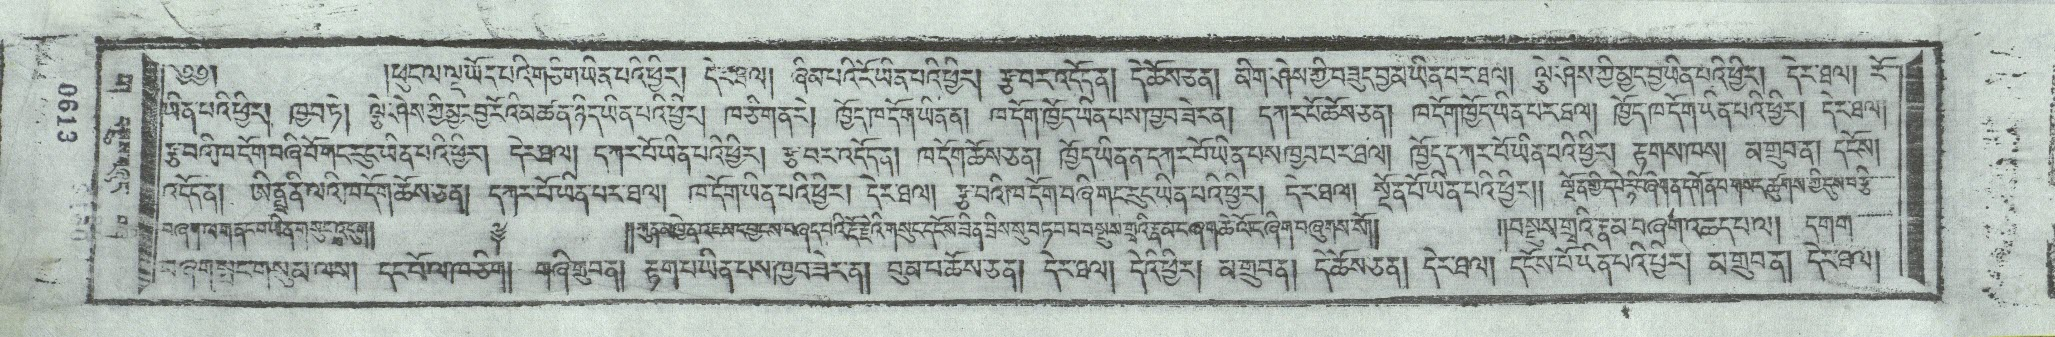༄༅། །ཕུང་ལ་ལྔ་ཡོད་པའི་གཅིག་ཡིན་པའི་ཕྱིར། དེར་ཐལ། ཞིམ་པའི་རོ་ཡིན་པའི་ཕྱིར། རྩ་བར་འདོད་ན། དེ་ཆོས་ཅན། མིག་ཤེས་ཀྱི་བཟུང་བྱ་མ་ཡིན་པར་ཐལ། ལྕེ་ཤེས་ཀྱི་མྱང་བྱ་ཡིན་པའི་ཕྱིར། དེར་ཐལ། རོ་
ཡིན་པའི་ཕྱིར། ཁྱབ་ཏེ། ལྕེ་ཤེས་ཀྱི་མྱང་བྱ་རོའི་མཚན་ཉིད་ཡིན་པའི་ཕྱིར། ཁ་ཅིག་ན་རེ། ཁྱོད་ཁ་དོག་ཡིན་ན། ཁ་དོག་ཁྱོད་ཡིན་པས་ཁྱབ་ཟེར་ན། དཀར་པོ་ཆོས་ཅན། ཁ་དོག་ཁྱོད་ཡིན་པར་ཐལ། ཁྱོད་ཁ་དོག་ཡིན་པའི་ཕྱིར། དེར་ཐལ།
རྩ་བའི་ཁ་དོག་བཞི་པོ་གང་རུང་ཡིན་པའི་ཕྱིར། དེར་ཐལ། དཀར་པོ་ཡིན་པའི་ཕྱིར། རྩ་བར་འདོད་ན། ཁ་དོག་ཆོས་ཅན། ཁྱོད་ཡིན་ན་དཀར་པོ་ཡིན་པས་ཁྱབ་པར་ཐལ། ཁྱོད་དཀར་པོ་ཡིན་པའི་ཕྱིར། རྟགས་ཁས། མ་གྲུབ་ན། དངོས།
འདོད་ན། ཨིནྡྲ་ནི་ལའི་ཁ་དོག་ཆོས་ཅན། དཀར་པོ་ཡིན་པར་ཐལ། ཁ་དོག་ཡིན་པའི་ཕྱིར། དེར་ཐལ། རྩ་བའི་ཁ་དོག་བཞི་གང་རུང་ཡིན་པའི་ཕྱིར། དེར་ཐལ། སྔོན་པོ་ཡིན་པའི་ཕྱིར།། སྔོན་གྱི་དཔེ་རྙིང་ཞིག་ན་དགོན་པ་གསར་ཚུགས་ཀྱི་དུས་བརྩི་
བཞག་ལ་གནང་བ་ཡིན་གསུངས་འདུག། ༈ །།ཀུན་མཁྱེན་འཇམ་དབྱངས་བཞད་པའི་རྡོ་རྗེའི་གསུང་དངོས་ཟིན་བྲིས་སུ་བཏབ་པ་བསྡུས་གྲྭའི་རྣམ་བཞག་ཚེ་ལོང་ཞིག་བཞུགས་སོ།། །།བསྡུས་གྲྭའི་རྣམ་བཞག་འཆད་པ་ལ། དགག་
བཞག་སྤང་གསུམ་ལས། དང་པོ་ལ་ཁ་ཅིག། གཞི་གྲུབ་ན། རྟག་པ་ཡིན་པས་ཁྱབ་ཟེར་ན། བུམ་པ་ཆོས་ཅན། དེར་ཐལ། དེའི་ཕྱིར། མ་གྲུབ་ན། དེ་ཆོས་ཅན། དེར་ཐལ། དངོས་པོ་ཡིན་པའི་ཕྱིར། མ་གྲུབ་ན། དེར་ཐལ།